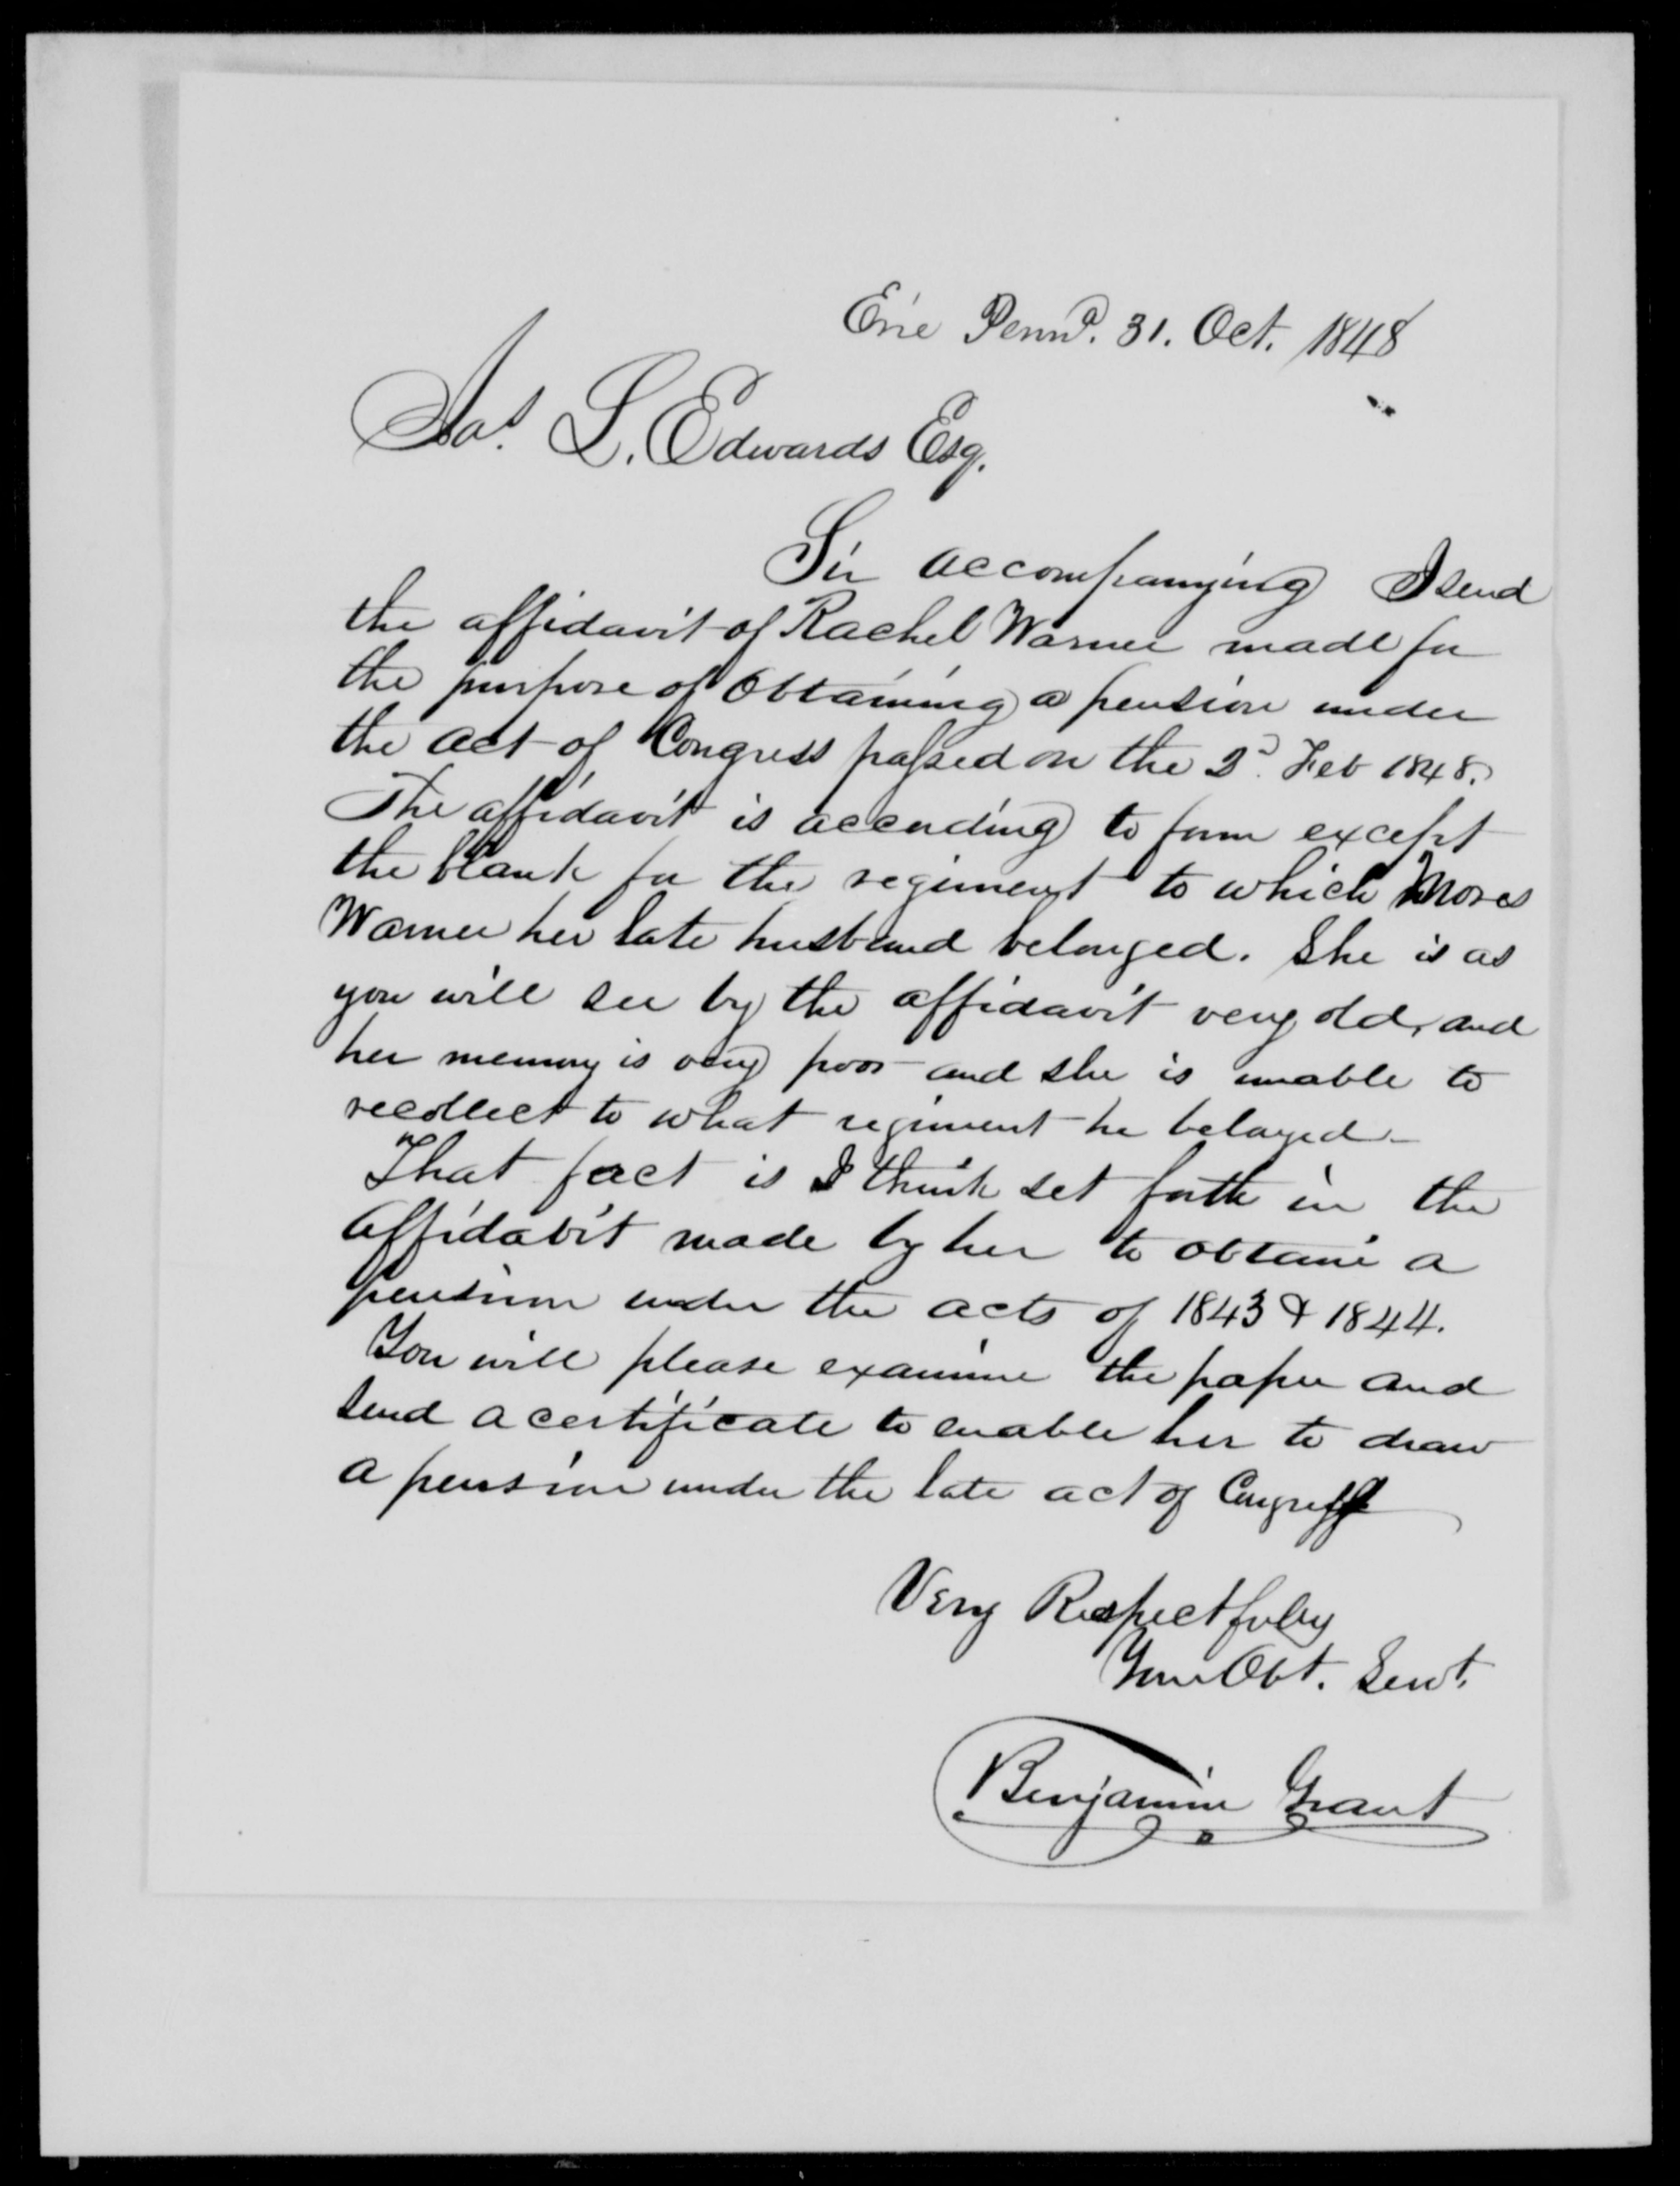Erie Penn 31. October. 1848

Jas. L. Edwards Esq.
Sir accompanying I send
the affidavit of Rachel Warner made for
the purpose of obtaining a pension under
the act of Congress passed on the 3rd Feb 1848. 
The affidavit is according to form except
the blank for the regiment to which Moses
Warner her late husband belonged. She is as 
you will see by the affidavit very old, and
her memory is very poor and she is unable to 
recollect to what regiment he belonged.
The fact is I think set forth in the 
affidavit made by her  to obtain a
pension under the acts of 1843 and 1844. 
You will please examine the paper and 
send a certificate to enable her to draw
a pension under the late act of Congress
Very Respectfully
Your Obt, Servt.
Benjamin Grant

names: Jas L Edwards, Moses Warner, Rachel Warner, Benjamin Grant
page: 31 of 40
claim: widow's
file: W. 3742, Moses Warner, Conn.